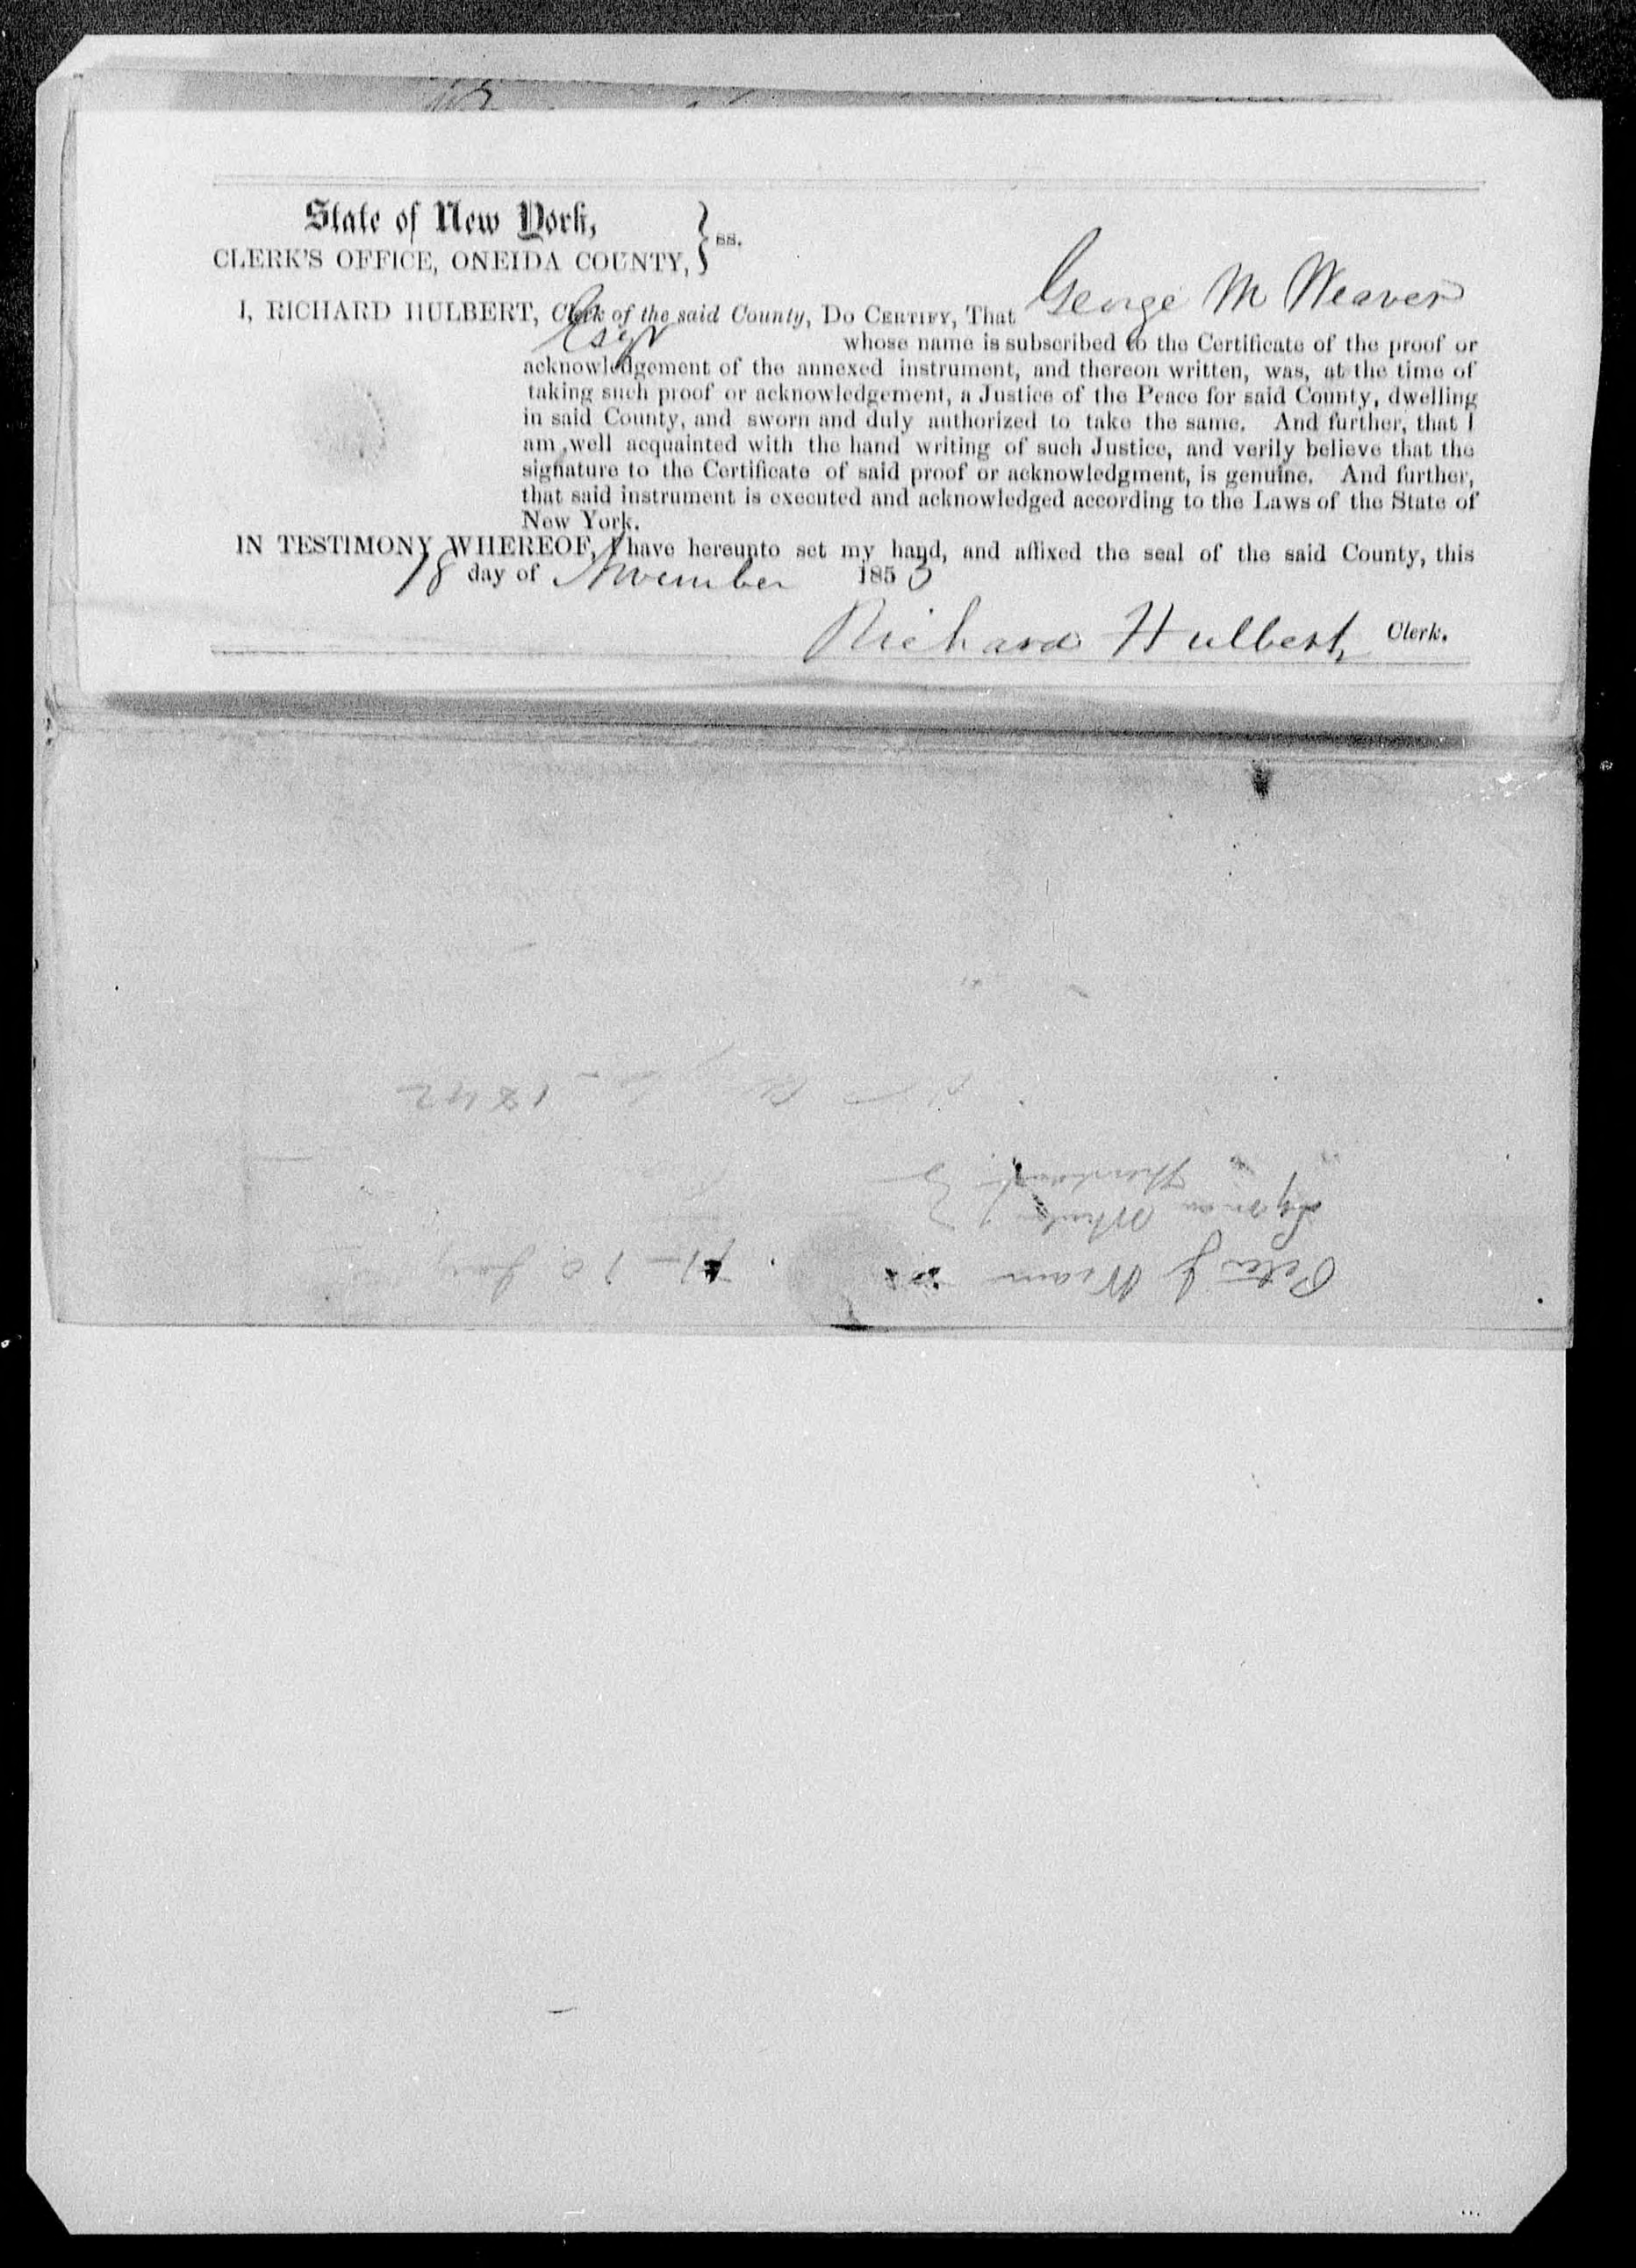State of New York,}
CLERK'S OFFICE, ONEIDA COUNTY,} ss.
I, RICHARD HULBERT, Clerk of said County, Do Certify, That George M Weaver Esqr whose name is subscribed to the Certificate of the proof or acknowledgement of the annexed instrument, and thereon written, was, at the time of taking such proof or acknowledgement, a Justice of the Peace for said County, dwelling in said County, and sworn and duly authorized to take the same. And further, that I am well acquainted with the hand writing of such Justice, and verily believe that the signature to the Certificate of said proof or acknowledgment, is genuine. And further, that said instrument is executed and acknowledged according to the Laws of the State of New York. 
IN TESTIMONY WHEREOF, I have hereunto set my hand and affixed the seal of the said County, this 18 day of November 1853
[Signed] Richard Hulbert, Clerk.

Upside down:
Peter J Weaver   79-10 Jany 
Lyman Wheeler} 
[illegible- Thersborough?]} 
act Aug 6-1842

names: Richard Hulbert, Peter J Weaver, George M Weaver, Richard Hulbert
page: 19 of 47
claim: widow's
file: W. 10,602, Barce Chard, New York.